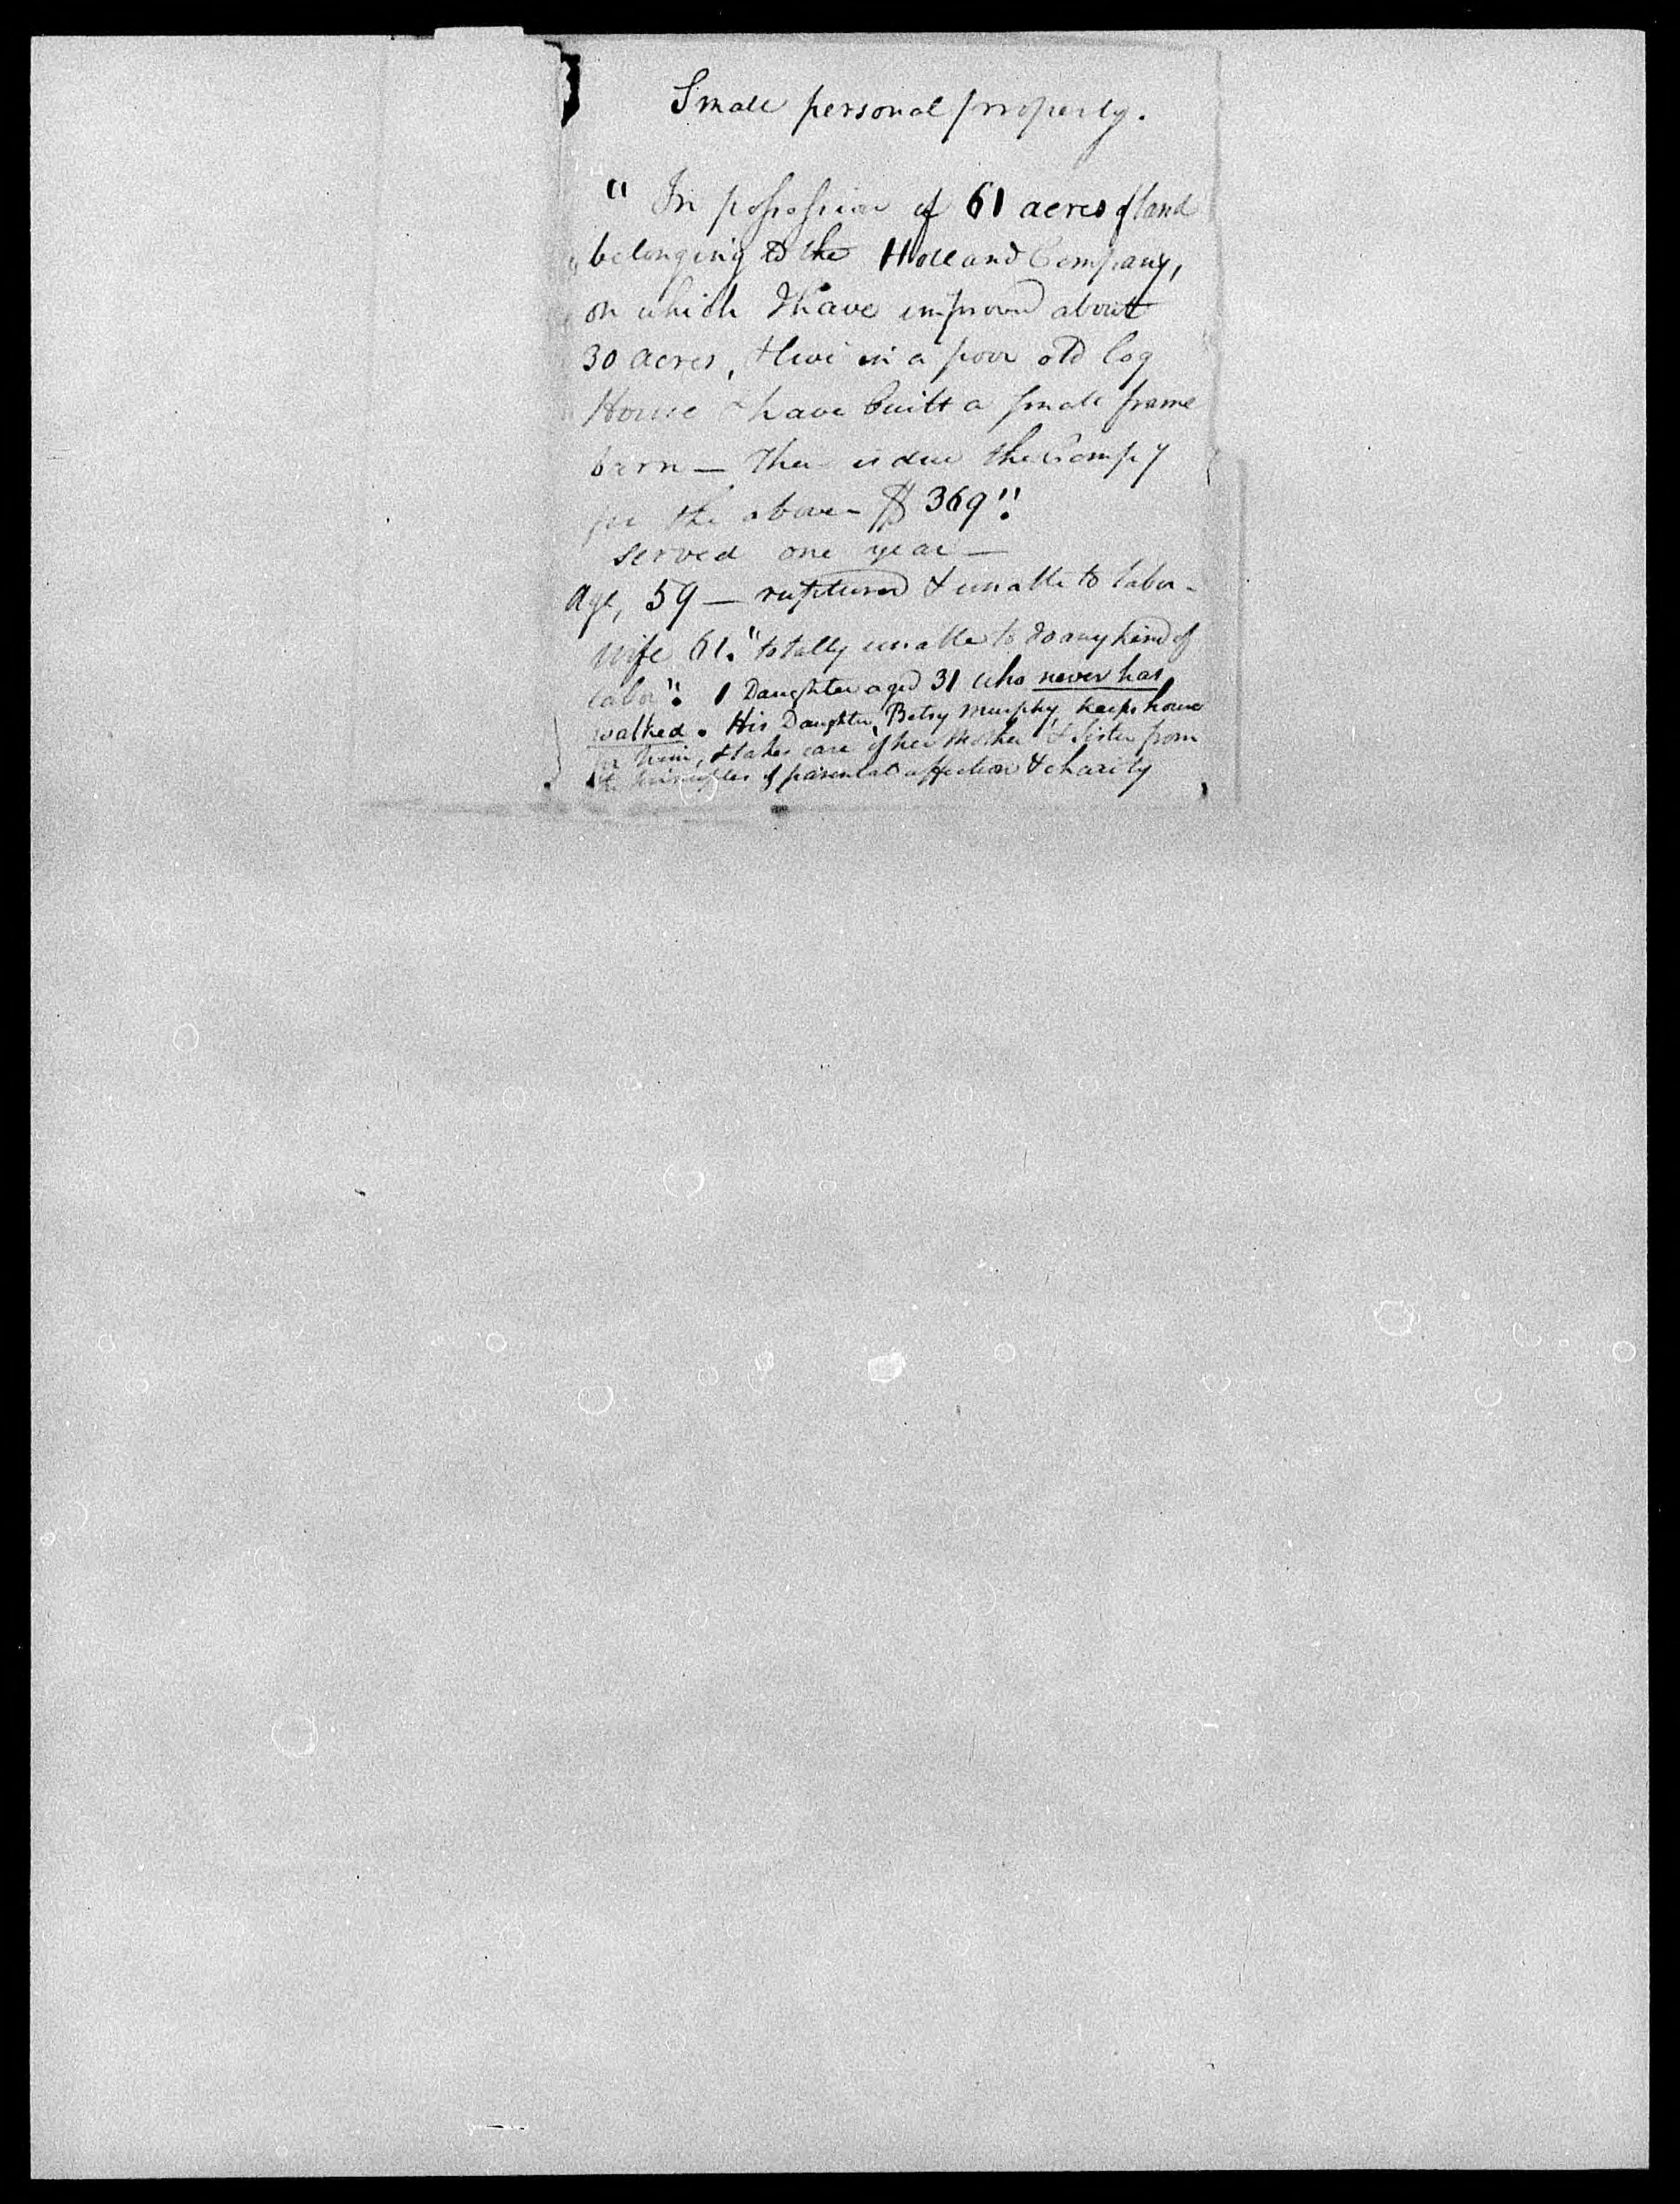Small personal property.

"In possession of 61 acres of land belonging to the Holland Company, on which I have improved about 30 acres. I live in a poor old log House & have build a small frame barn - There is due the Company for the above $369."
Served one year -
Age, 59 - ruptured & unable to labor
wife 61. "totally unable to do any kind of labor." 1 Daughter aged 31 who never has walked. His Daughter, Betsy Murphy, keeps house for him, & takes care of her Mother & Sister from the kindness of parental affection & charity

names: Betsy Murphy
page: 16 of 36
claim: survivor's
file: S. 42,792, for John Kimball, Connecticut